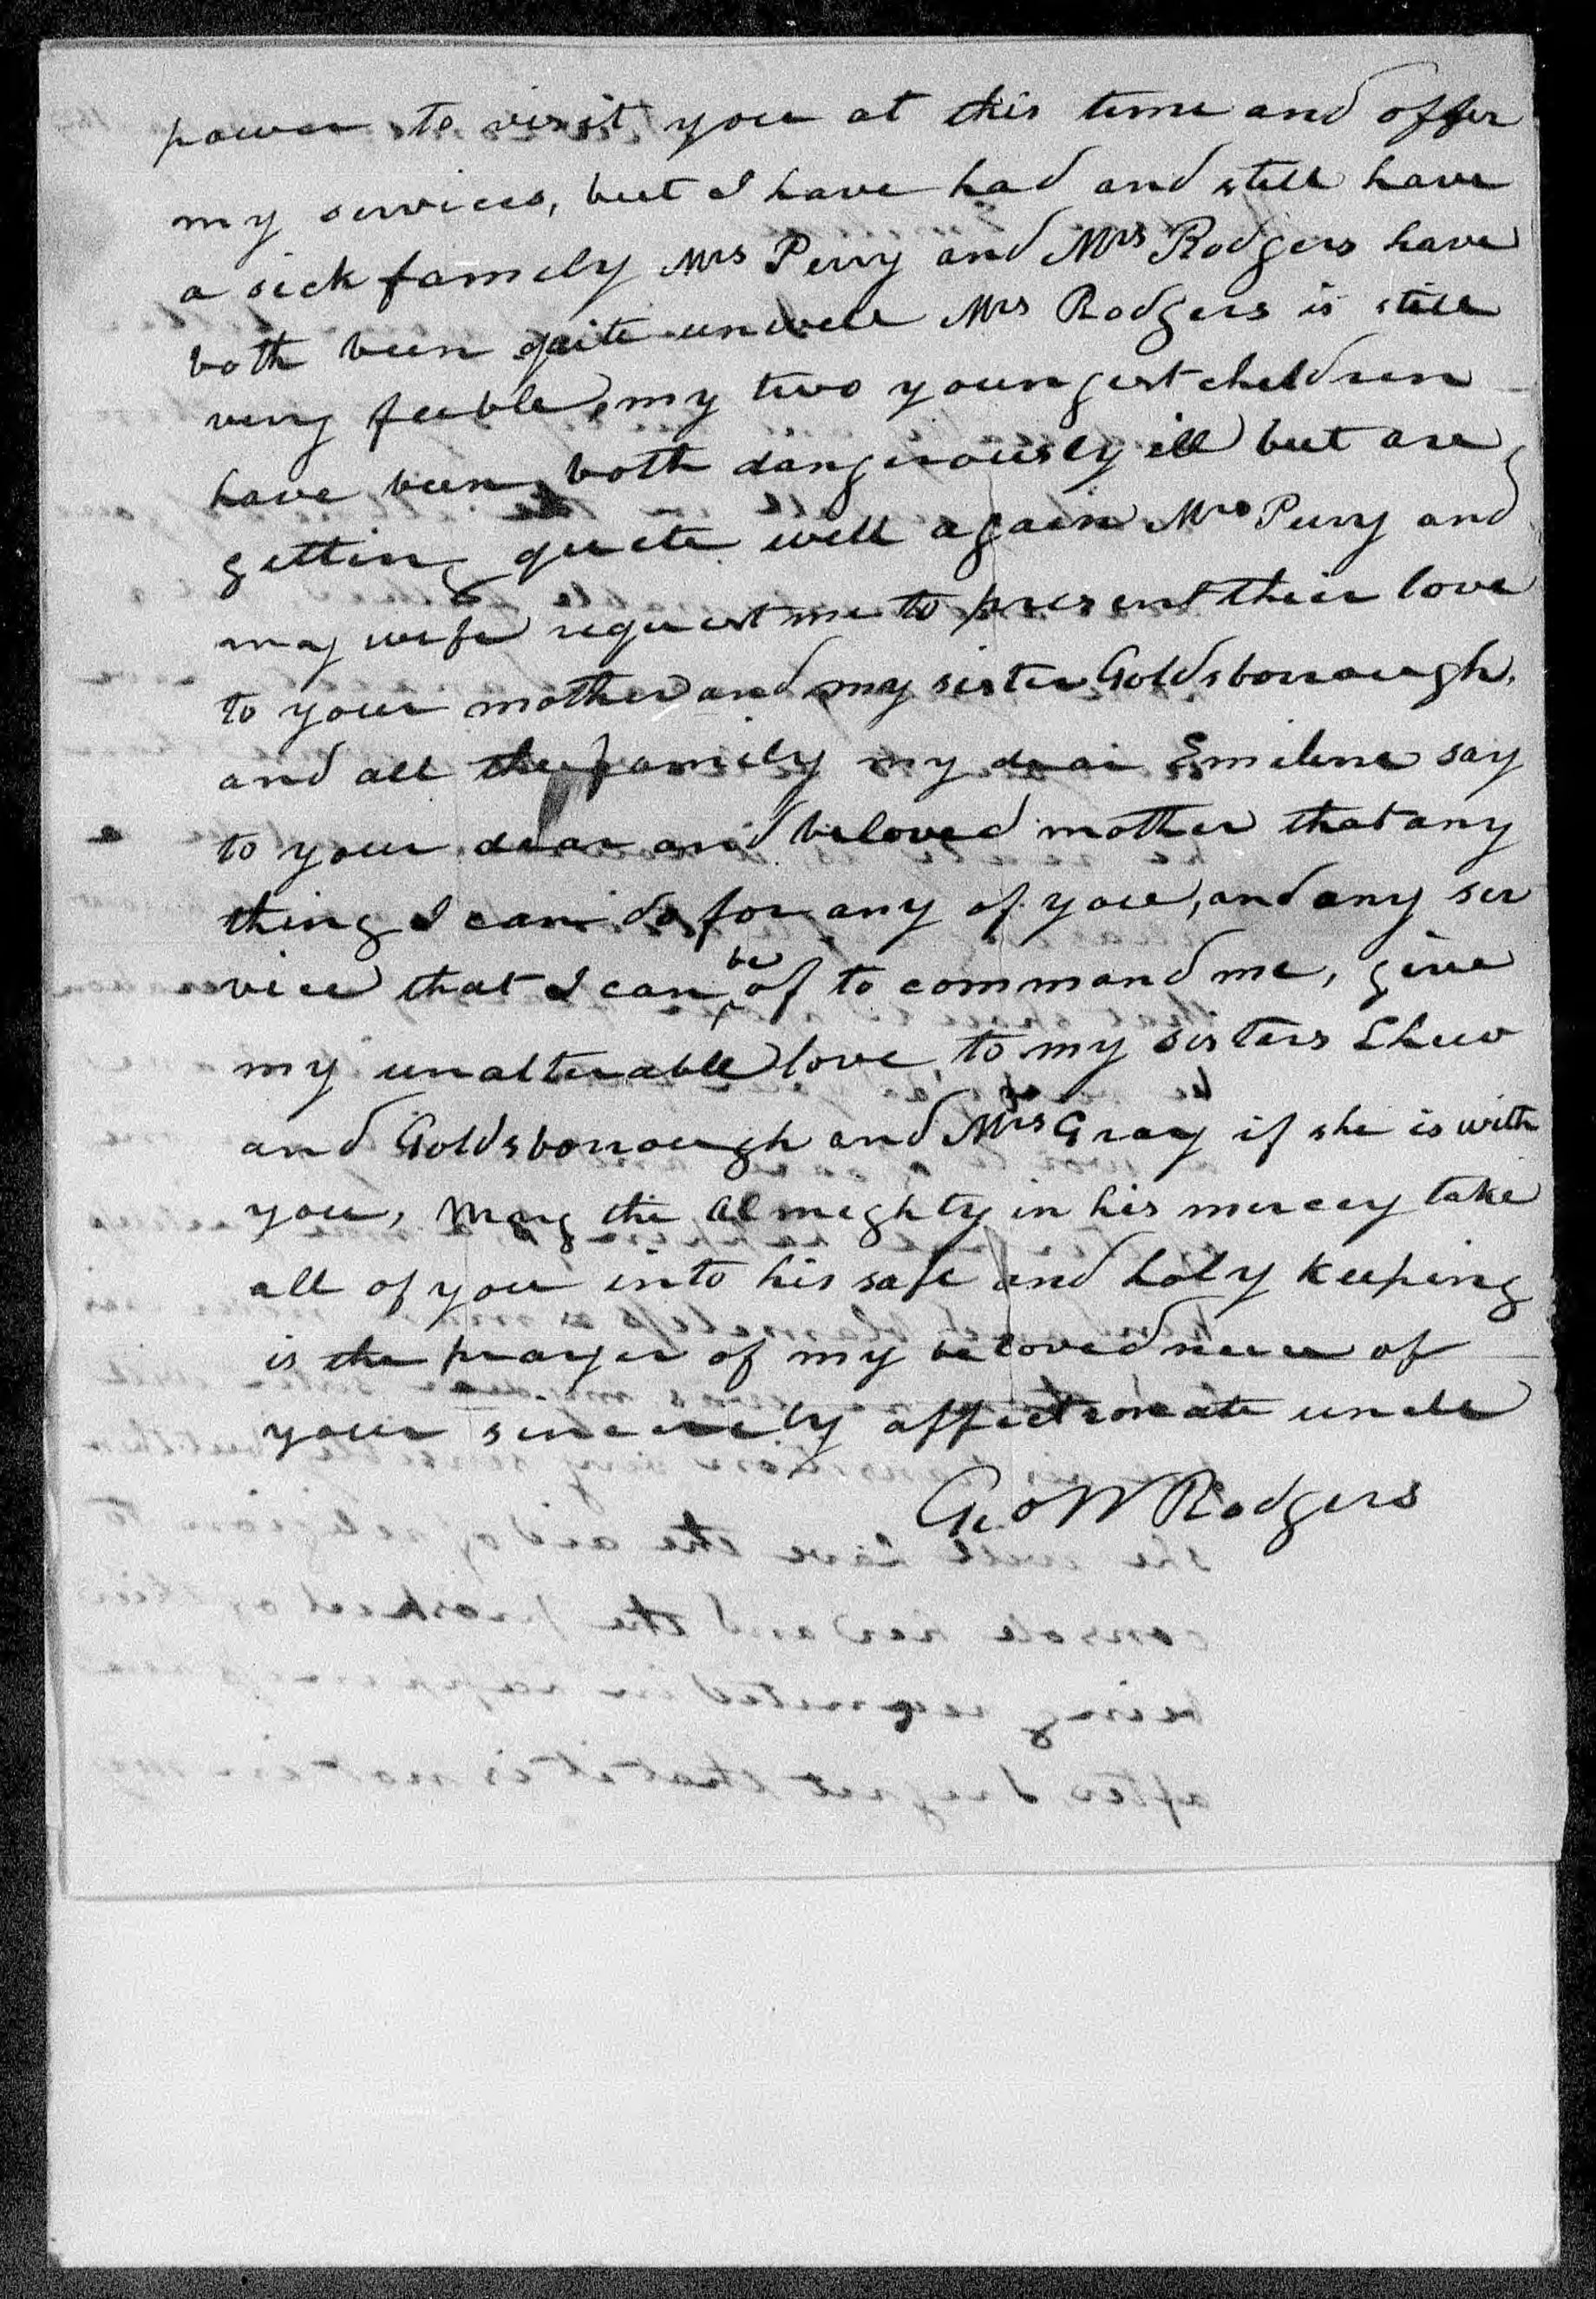power to visit you at this time and offer
my services, but I have had and still have
a sick family.  Mrs. Perry and Mrs. Rodgers have
both been of late unwell.  Mrs. Rodgers is still
very feeble.  My two younger children
have been both dangerously ill but are
getting quite well again.  Mrs. Perry and
my wife request me present their love
to your mother and my sister Goldsborough.
And all the family my dear Emiline say
to your dear and beloved mother that any
thing I can do for any of you, and any ser-
vice that I can be of to command me.  Give
my unattainable love to my sisters Chew
and Goldsborough and Mrs. Gray if she is with
you.  May the Almighty in his mercy take 
all of you into his safe and holy keeping
is the prayer of my beloved niece of
your sincerely affectionate uncle

Geo W Rodgers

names: Geo W Rodgers, Rodgers, Goldsborough, Gray, Perry, Perry, Rodgers, Emiline, Chew, Goldsborough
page: 47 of 59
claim: widow's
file: W. 9383, Nathaniel Chew, Navy (Md.)